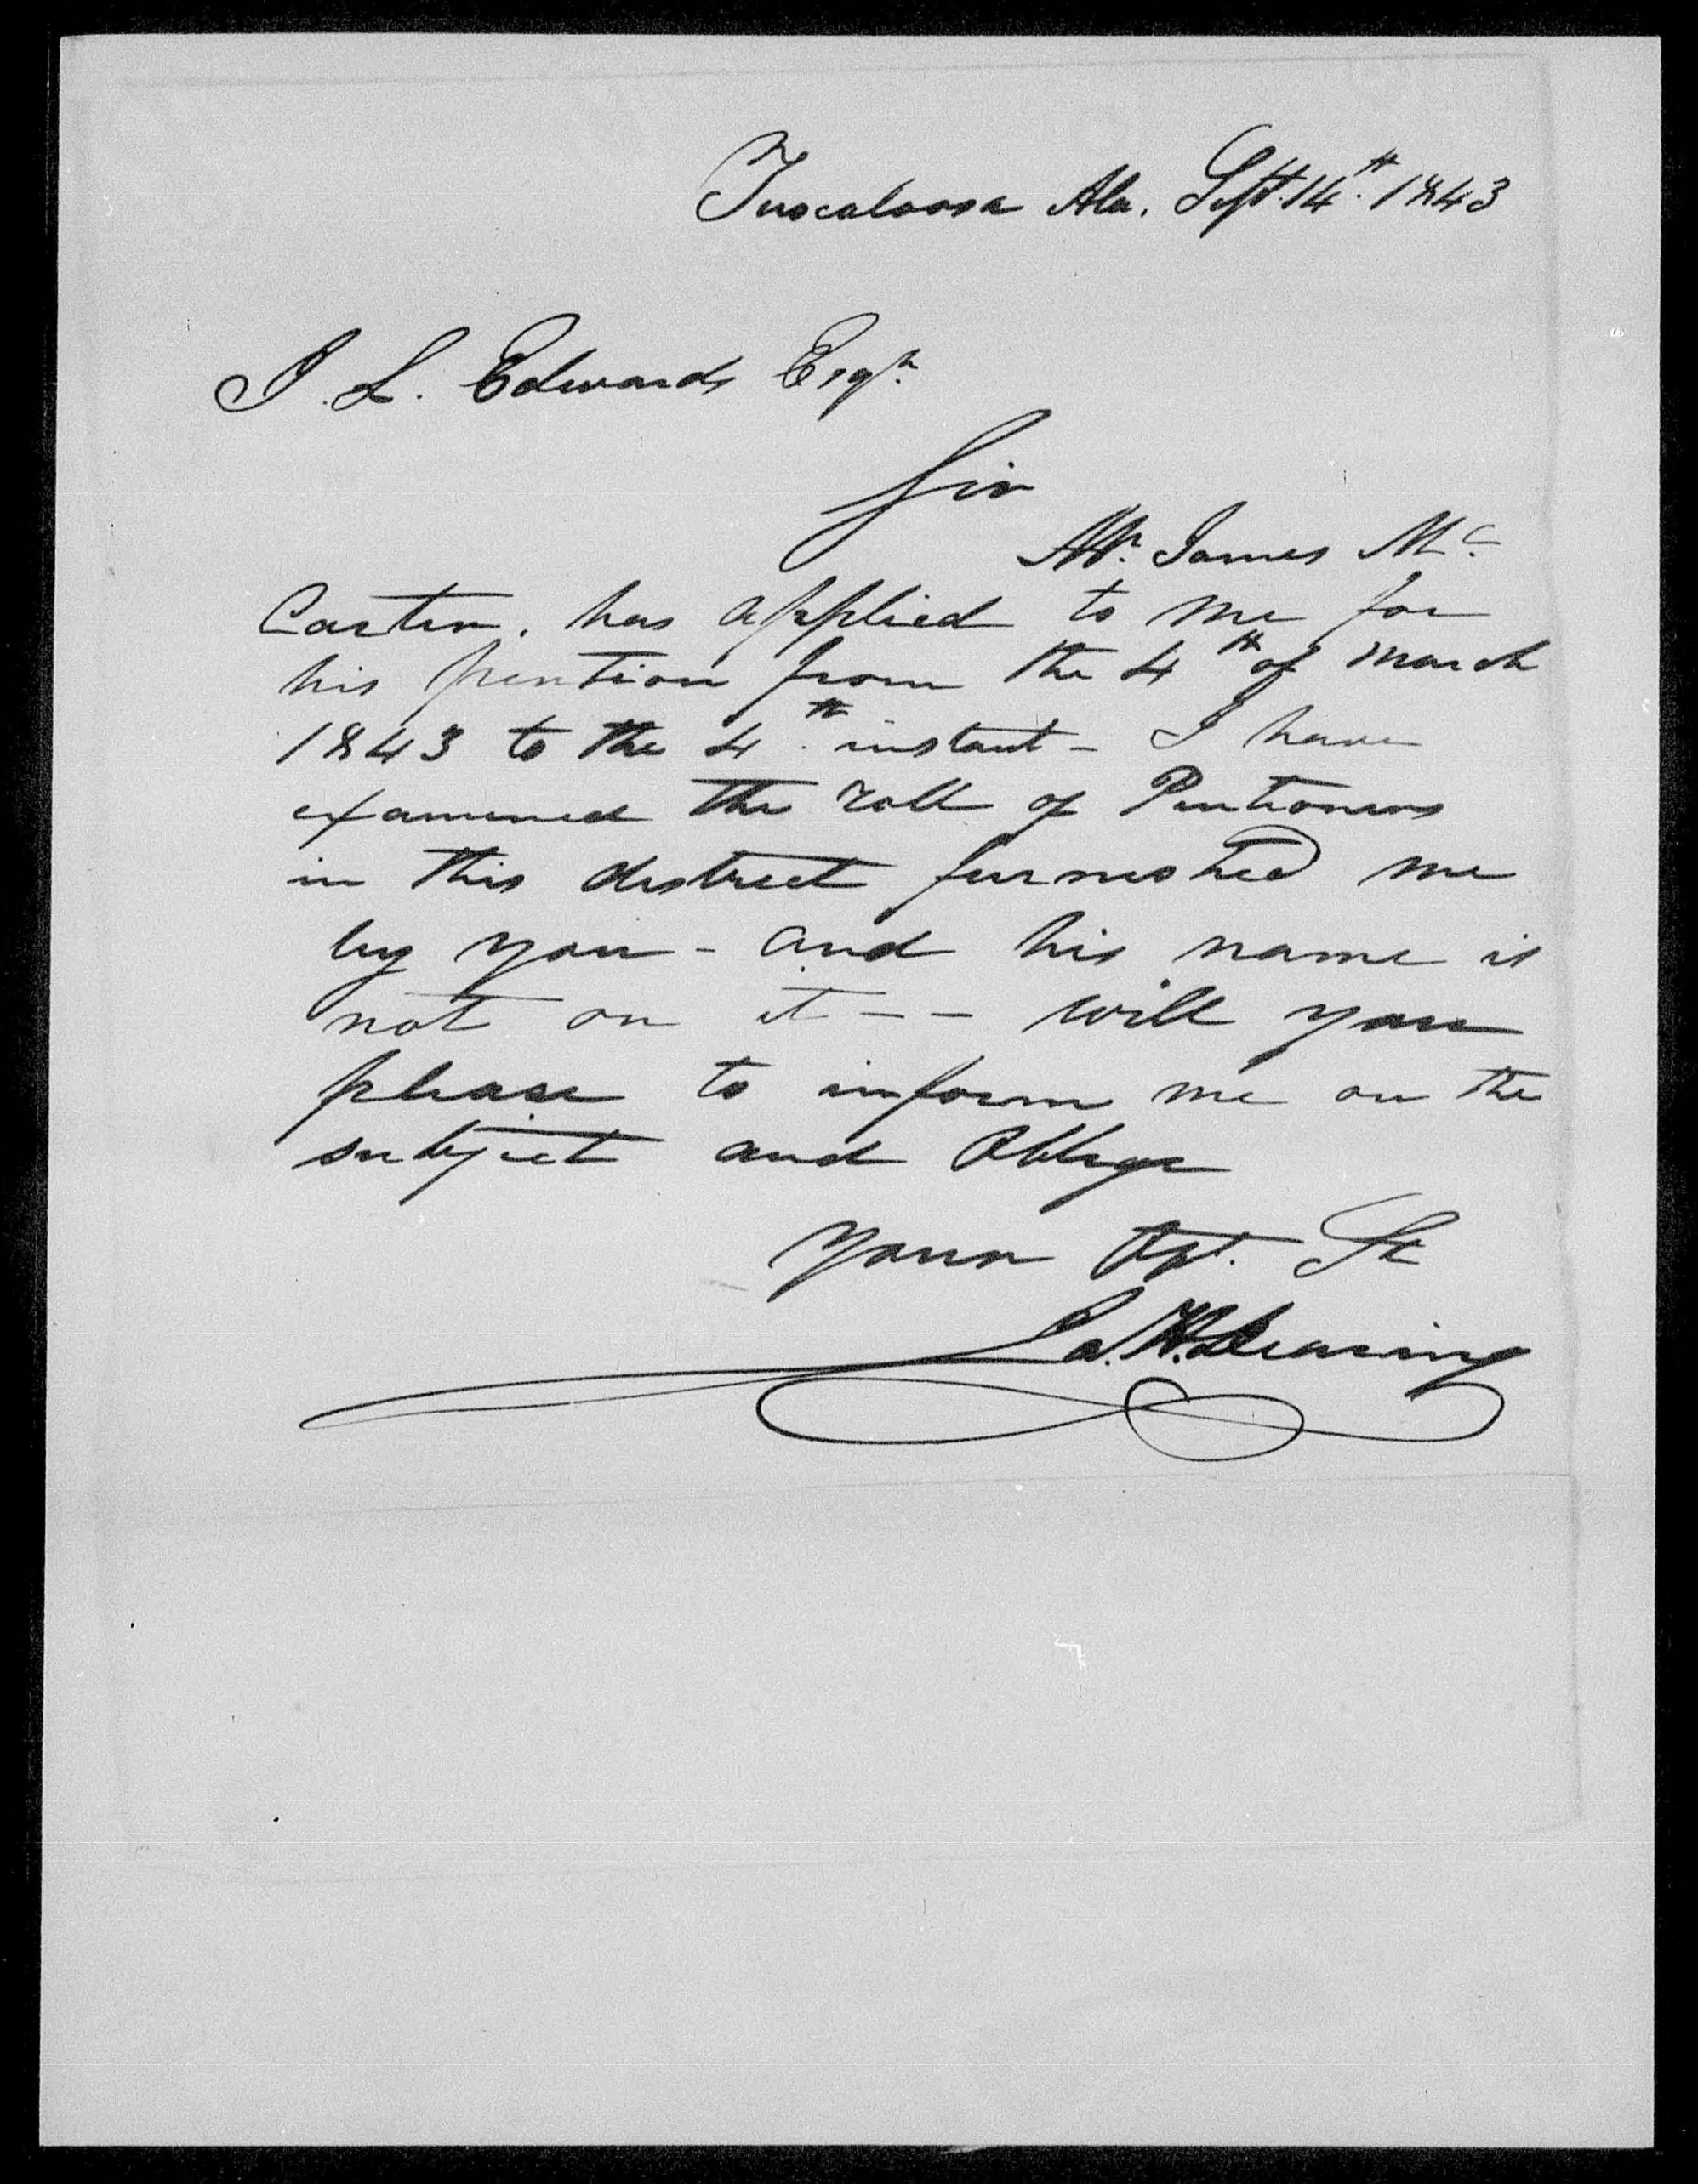Tuscaloosa Ala, Sept 4th 1843
J L. Edwards Esqr
Sir
Mr. James McCarter has applied to me for
his pension from the 4th of March the
1843 to the 4th instant. I have examined the roll of Pensioners in this district furnished me
by you, and his name is not on it-- Will you
please to inform me on the subject and oblige
Your Obt st
Ja. [illegible] Deassing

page: 24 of 45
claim: survivor's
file: S. 13,890, for James Mc Carter, South Carolina